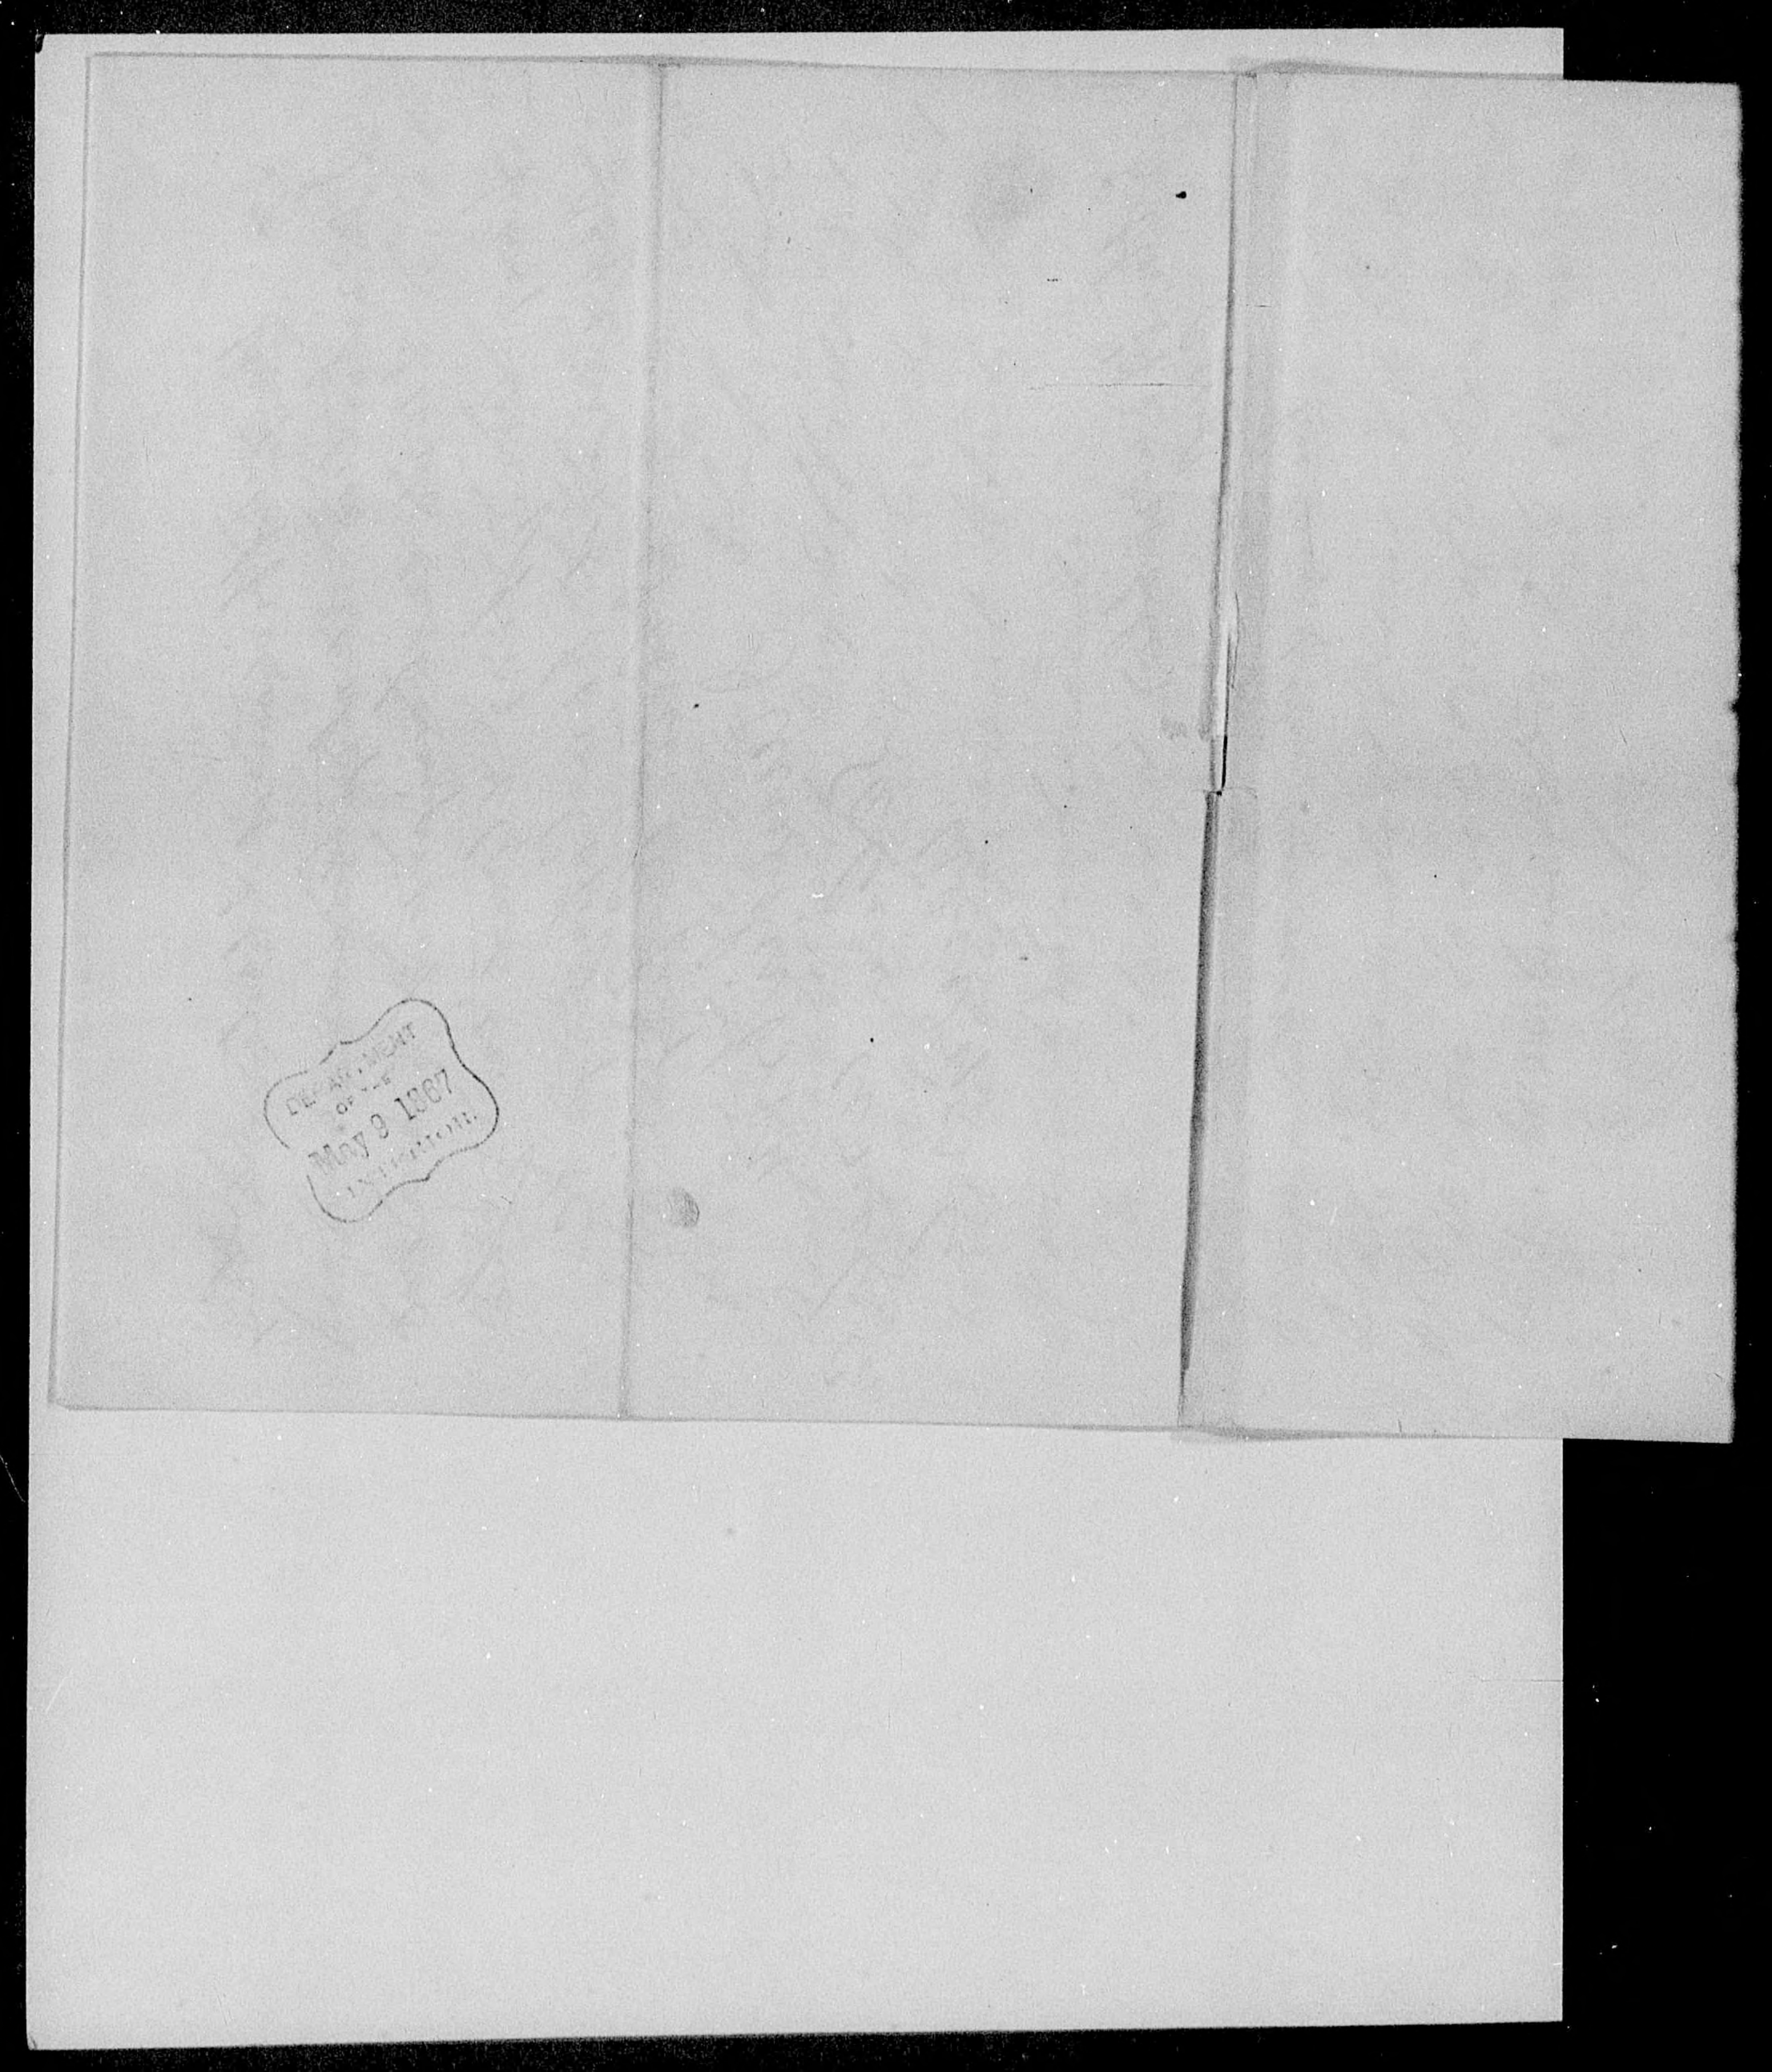[stamp]
DEPARTMENT 
OF THE 
INTERIOR
May 9 1867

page: 23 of 32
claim: survivor's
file: S. 34899, John Gibson, R.I.